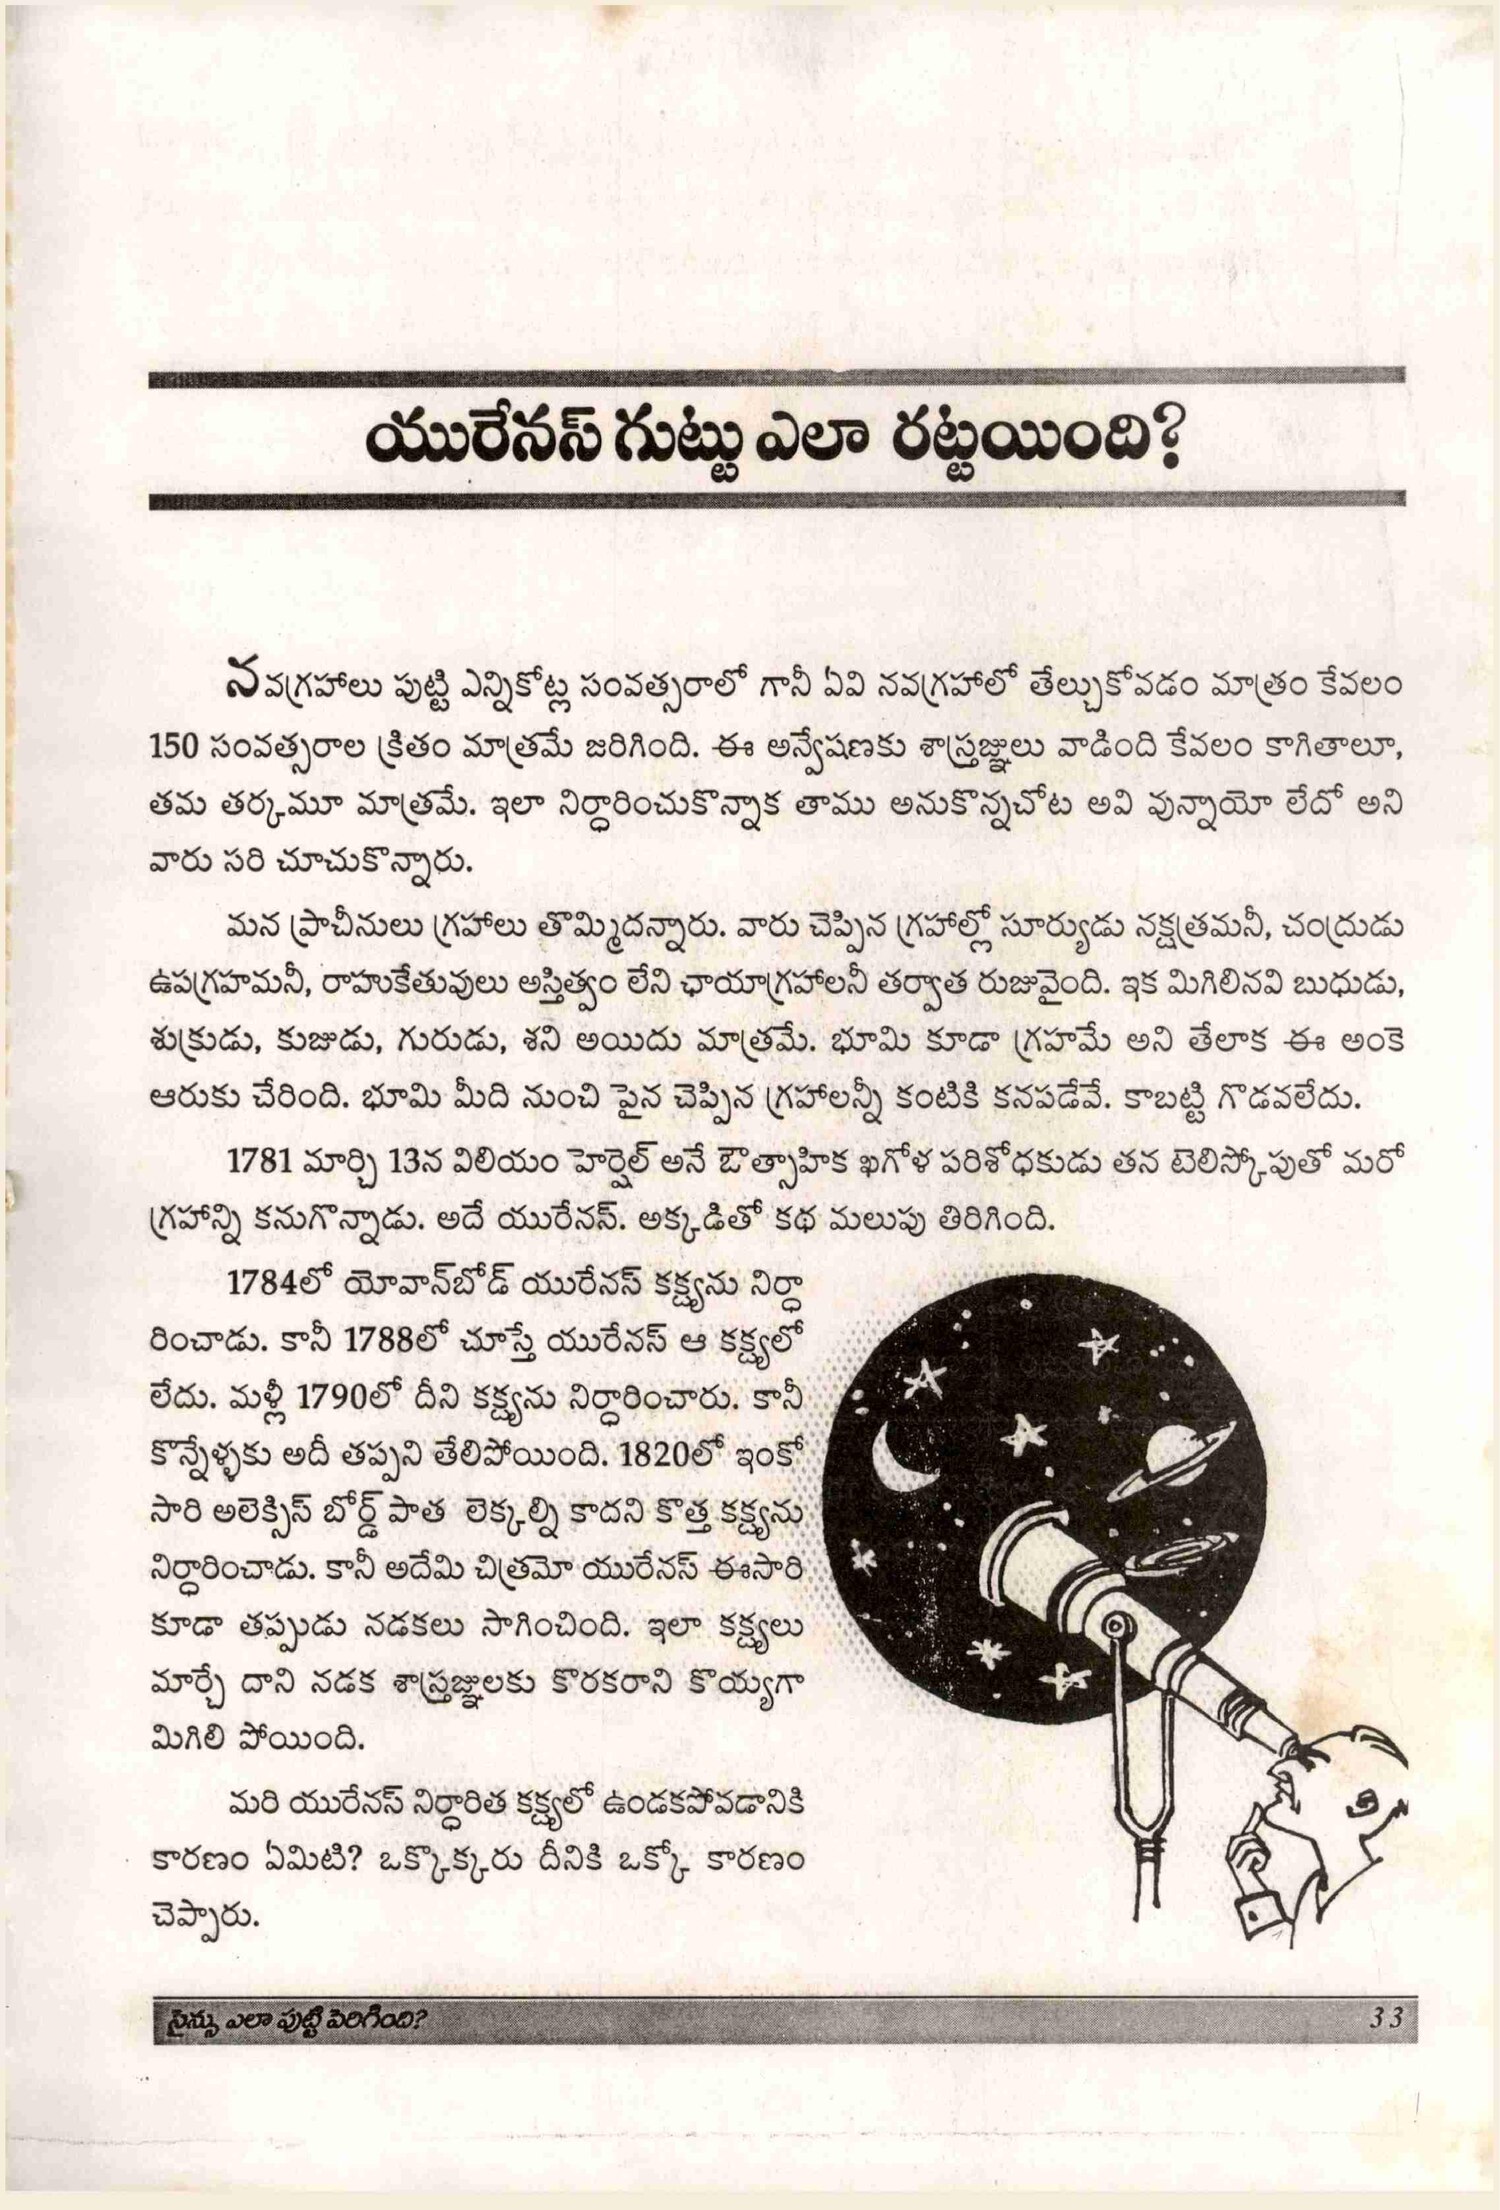యురేనస్ గుట్టు ఎలా రట్టయింది?

నవగ్రహాలు పుట్టి ఎన్నికోట్ల సంవత్సరాలో గానీ ఏవి నవగ్రహాలో తేల్చుకోవడం మాత్రం కేవలం 150 సంవత్సరాల క్రితం మాత్రమే జరిగింది. ఈ అన్వేషణకు శాస్త్రజ్ఞులు వాడింది కేవలం కాగితాలూ, తమ తర్కమూ మాత్రమే. ఇలా నిర్ధారించుకొన్నాక తాము అనుకొన్నచోట అవి వున్నాయో లేదో అని వారు సరి చూచుకొన్నారు.

మన ప్రాచీనులు గ్రహాలు తొమ్మిదన్నారు. వారు చెప్పిన గ్రహాల్లో సూర్యుడు నక్షత్రమనీ, చంద్రుడు ఉపగ్రహమనీ, రాహుకేతువులు అస్తిత్వం లేని ఛాయాగ్రహాలనీ తర్వాత రుజువైంది. ఇక మిగిలినవి బుధుడు, శుక్రుడు, కుజుడు, గురుడు, శని అయిదు మాత్రమే. భూమి కూడా గ్రహమే అని తేలాక ఈ అంకె ఆరుకు చేరింది. భూమి మీది నుంచి పైన చెప్పిన గ్రహాలన్నీ కంటికి కనపడేవే. కాబట్టి గొడవలేదు.

1781 మార్చి 13న విలియం హెర్షెల్ అనే ఔత్సాహిక ఖగోళ పరిశోధకుడు తన టెలిస్కోపుతో మరో గ్రహాన్ని కనుగొన్నాడు. అదే యురేనస్. అక్కడితో కథ మలుపు తిరిగింది.

1784లో యోవాన్‌బోడ్ యురేనస్ కక్ష్యను నిర్ధారించాడు. కానీ 1788లో చూస్తే యురేనస్ ఆ కక్ష్యలో లేదు. మళ్లీ 1790లో దీని కక్ష్యను నిర్ధారించారు. కానీ కొన్నేళ్ళకు అదీ తప్పని తేలిపోయింది. 1820లో ఇంకోసారి అలెక్సిస్ బోర్డ్ పాత లెక్కల్ని కాదని కొత్త కక్ష్యను నిర్ధారించాడు. కానీ అదేమి చిత్రమో యురేనస్ ఈసారి కూడా తప్పుడు నడకలు సాగించింది. ఇలా కక్ష్యలు మార్చే దాని నడక శాస్త్రజ్ఞులకు కొరకరాని కొయ్యగా మిగిలి పోయింది.

మరి యురేనస్ నిర్ధారిత కక్ష్యలో ఉండకపోవడానికి కారణం ఏమిటి? ఒక్కొక్కరు దీనికి ఒక్కో కారణం చెప్పారు.